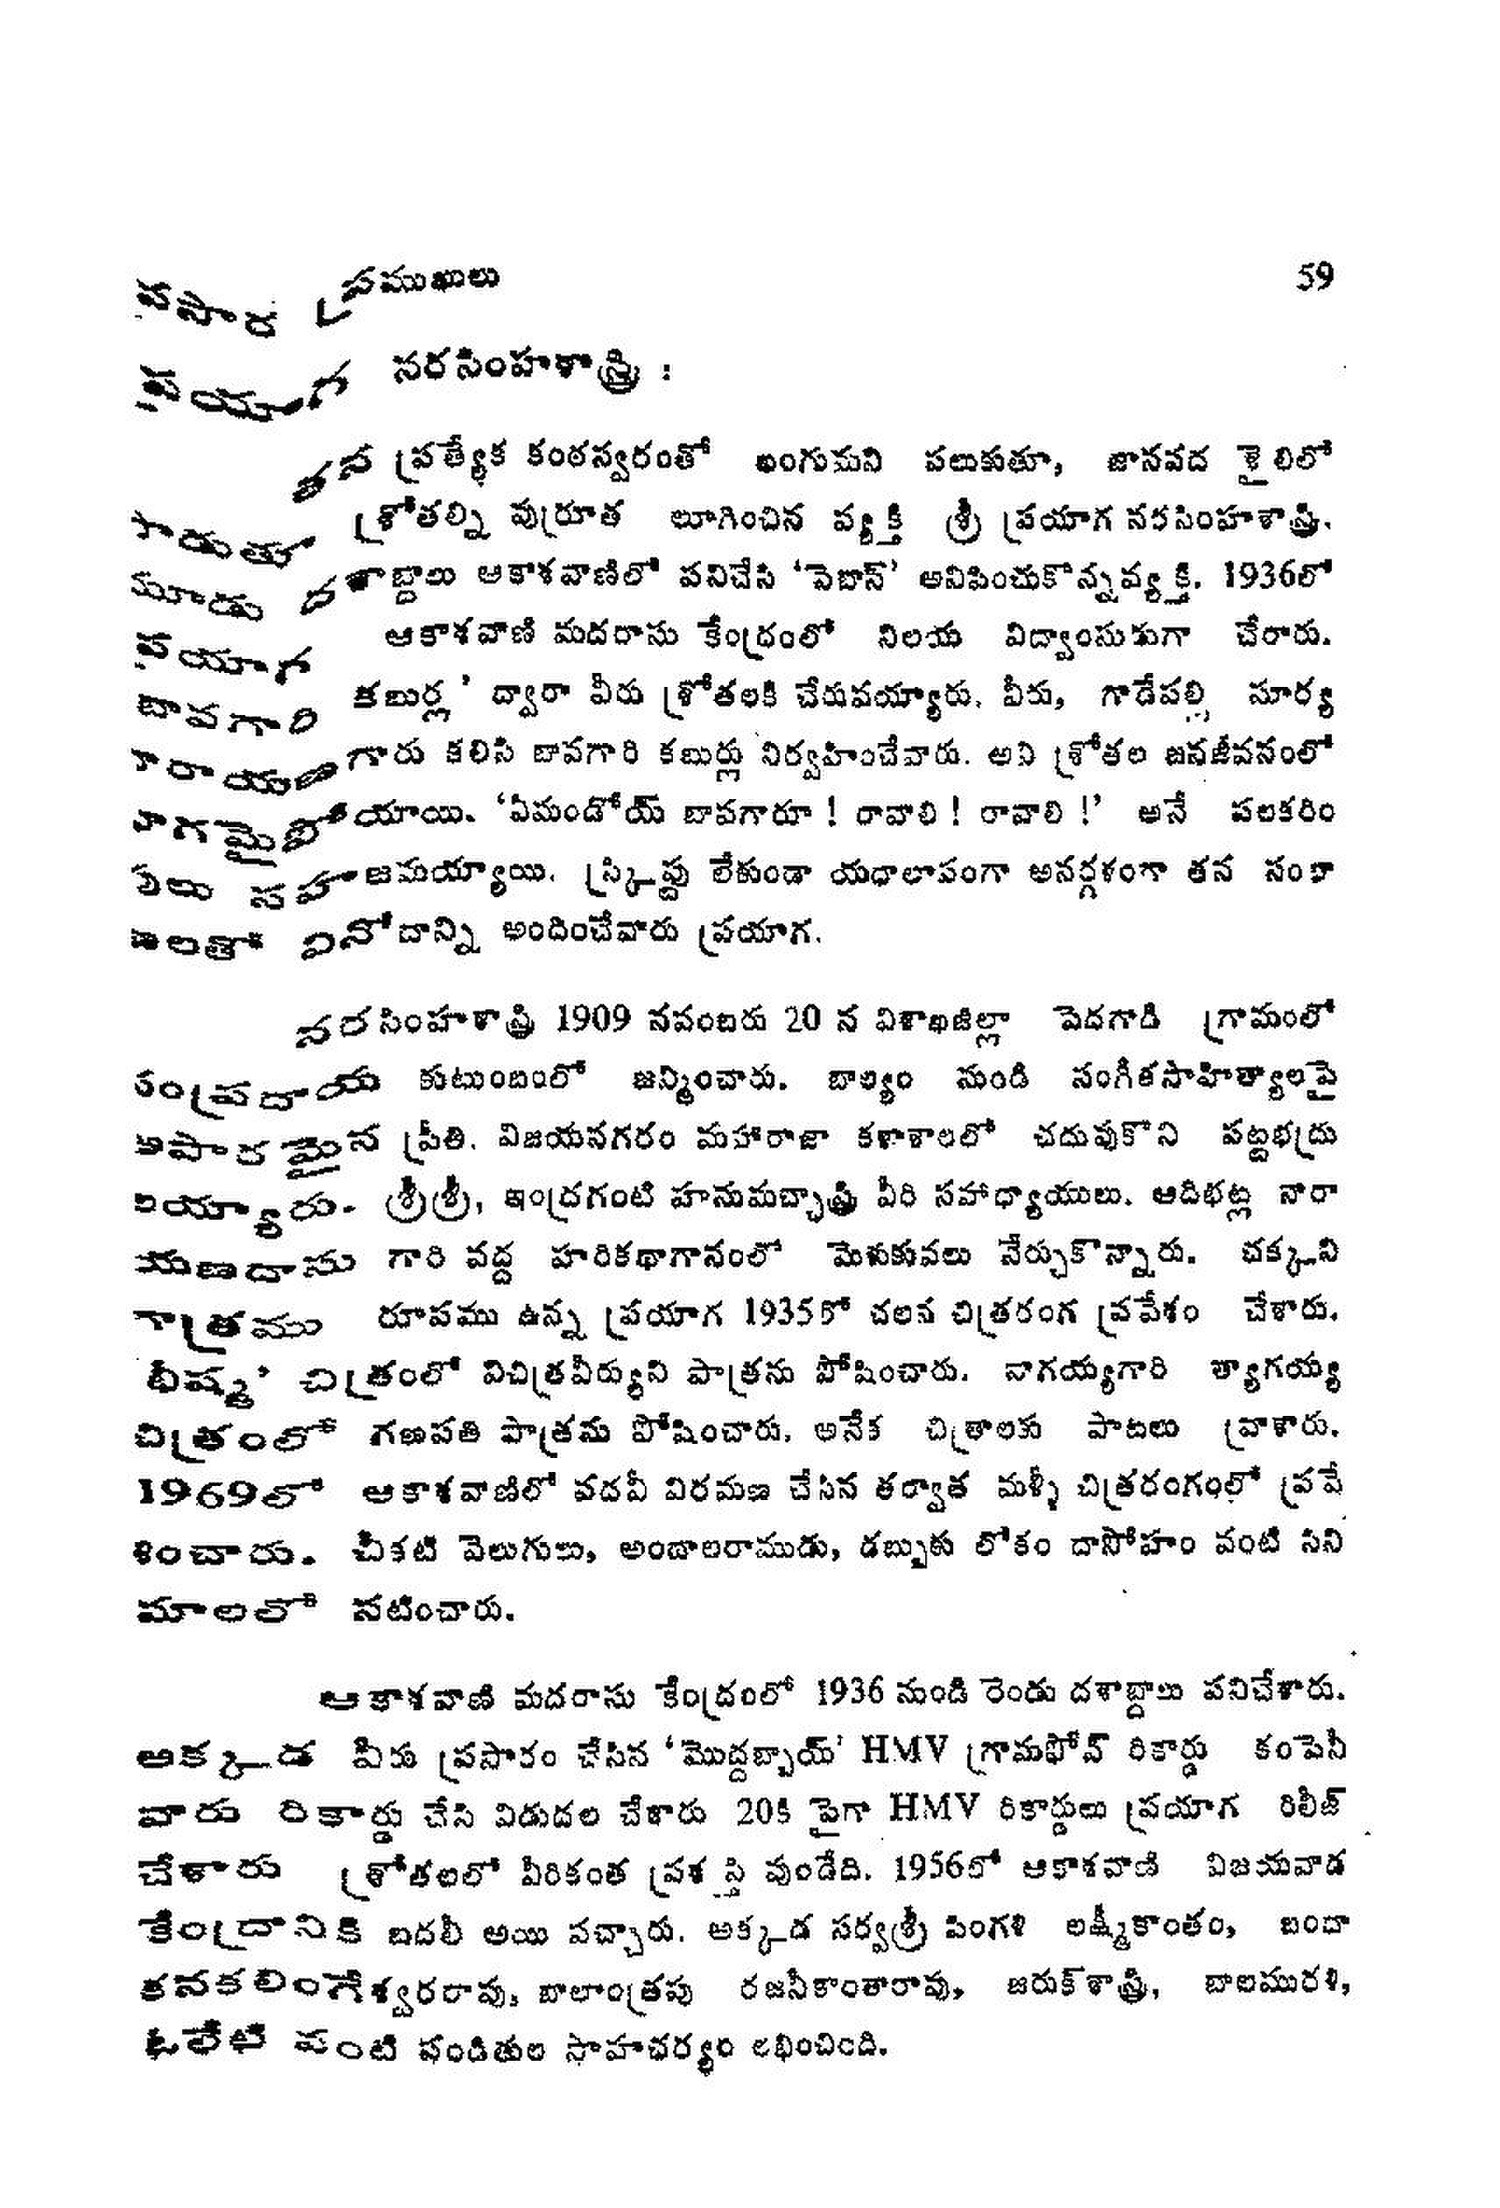తన ప్రత్యేక కంఠస్వరంతో ఖంగుమని పలుకుతూ, జానపద శైలిలో పాడుతూ శ్రోతల్ని వుర్రూత లూగించిన వ్యక్తి శ్రీ ప్రయాగ నరసింహశాస్త్రి. మూడు దశాబ్దాలు ఆకాశవాణిలో పనిచేసి ' సెబాస్ ' అనిపించుకొన్న వ్యక్తి. 1936 లో ప్రయాగ ఆకాశవాణి మదరాసు కేంద్రంలో నిలయ విద్వాంసుడుగా చేరారు. ' బావగారి కబుర్ల ద్వారా వీరు శ్రోతలకి చేరువయ్యారు. విరు, గాడేపల్లి సూర్యనారాయణ గారు కలిసి బావగారి కబుర్లు నిర్వహించేవారు. అవి శ్రోతల జీవనంలో భాగమైపోయాయి. ' ఏమండోయ్ బావగారు ! రావాలి ! రావాలి ! ' అనే పలకరింపులు సహజమయ్యాయి. స్క్రిప్టు లేకుండా యధాలాపంగా అనర్గళంగా తన సంభాషణలతో వినోదాన్ని అందించేవారు ప్రయాగ.

నరసింహశాస్త్రి 1909 నవంబరు 20 న విశాఖ జిల్లా పెదగాడి గ్రామంలో సంప్రదాయ కుటుంబంలో జన్మించారు. బాల్యం నుండి సంగీత సాహిత్యాలపై అపారమైన ప్రీతి. విజయనగరం మహారాజా కళాశాలలో చదువుకొని పట్టభద్రులయ్యారు. శ్రీశ్రీ, ఇంద్రగంటి హనుమఛ్చాస్త్రి వీరి సహాధ్యాయులు. ఆదిభట్ల నారాయణ దాసు గారి వద్ద హరికథా గానంలో మెళుకువలు నేర్చుకొన్నారు. చక్కని గాత్రము రూపము ఉన్న ప్రయాగ 1935లో చలన చిత్రరంగ ప్రవేశం చేశారు. భీష్మ చిత్రంలో విచిత్రవీర్యుని పాత్రను పోషించారు. నాగయ్య గారి త్యాగయ్య చిత్రంలో గణపతి పాత్రను పోషించారు. అనేక చిత్రాలకు పాటలు వ్రాశారు. 1969లో ఆకాశవాణిలో పదవీ విరమణ చేసిన తర్వాత మళ్లీ చిత్రరంగంలో ప్రవేశించారు. చీకటి వెలుగులు, అందాల రాముడు, డబ్బుకు లోకం దాసోహం వంటి సినిమాలలో నటించారు.

ఆకాశవాణి మదరాసు కేంద్రంలొ 1936 నుండి రెండు దశాబ్దాలు పనిచేశారు. అక్కడ వీరు ప్రసారం చేసిన మొద్దబ్బాయ్ HMV గ్రామఫోన్ రికార్డు కంపెని వారు రికార్డు చేసి విడుదల చేశారు. 20కి పైగా HMV రికార్డులు ప్రయాగ రిలీజ్ చేశారు. శ్రోతలలో వీరికంత ప్రశస్తి వుండేది. 1956లో ఆకాశవాణి విజయవాడ కేంద్రానికి బదలీ అయి వచ్చారు. అక్కడ సర్వశ్రీ పింగళి లక్ష్మీకాంతం, బందా కనకలింగేశ్వరరావు, బాలాంత్రపు రజనీకాంతారావు, జరుక్ శాస్త్రి, బాలమురళి, ఓలేటి వంటి పండితుల సాహచర్యం లభించింది.